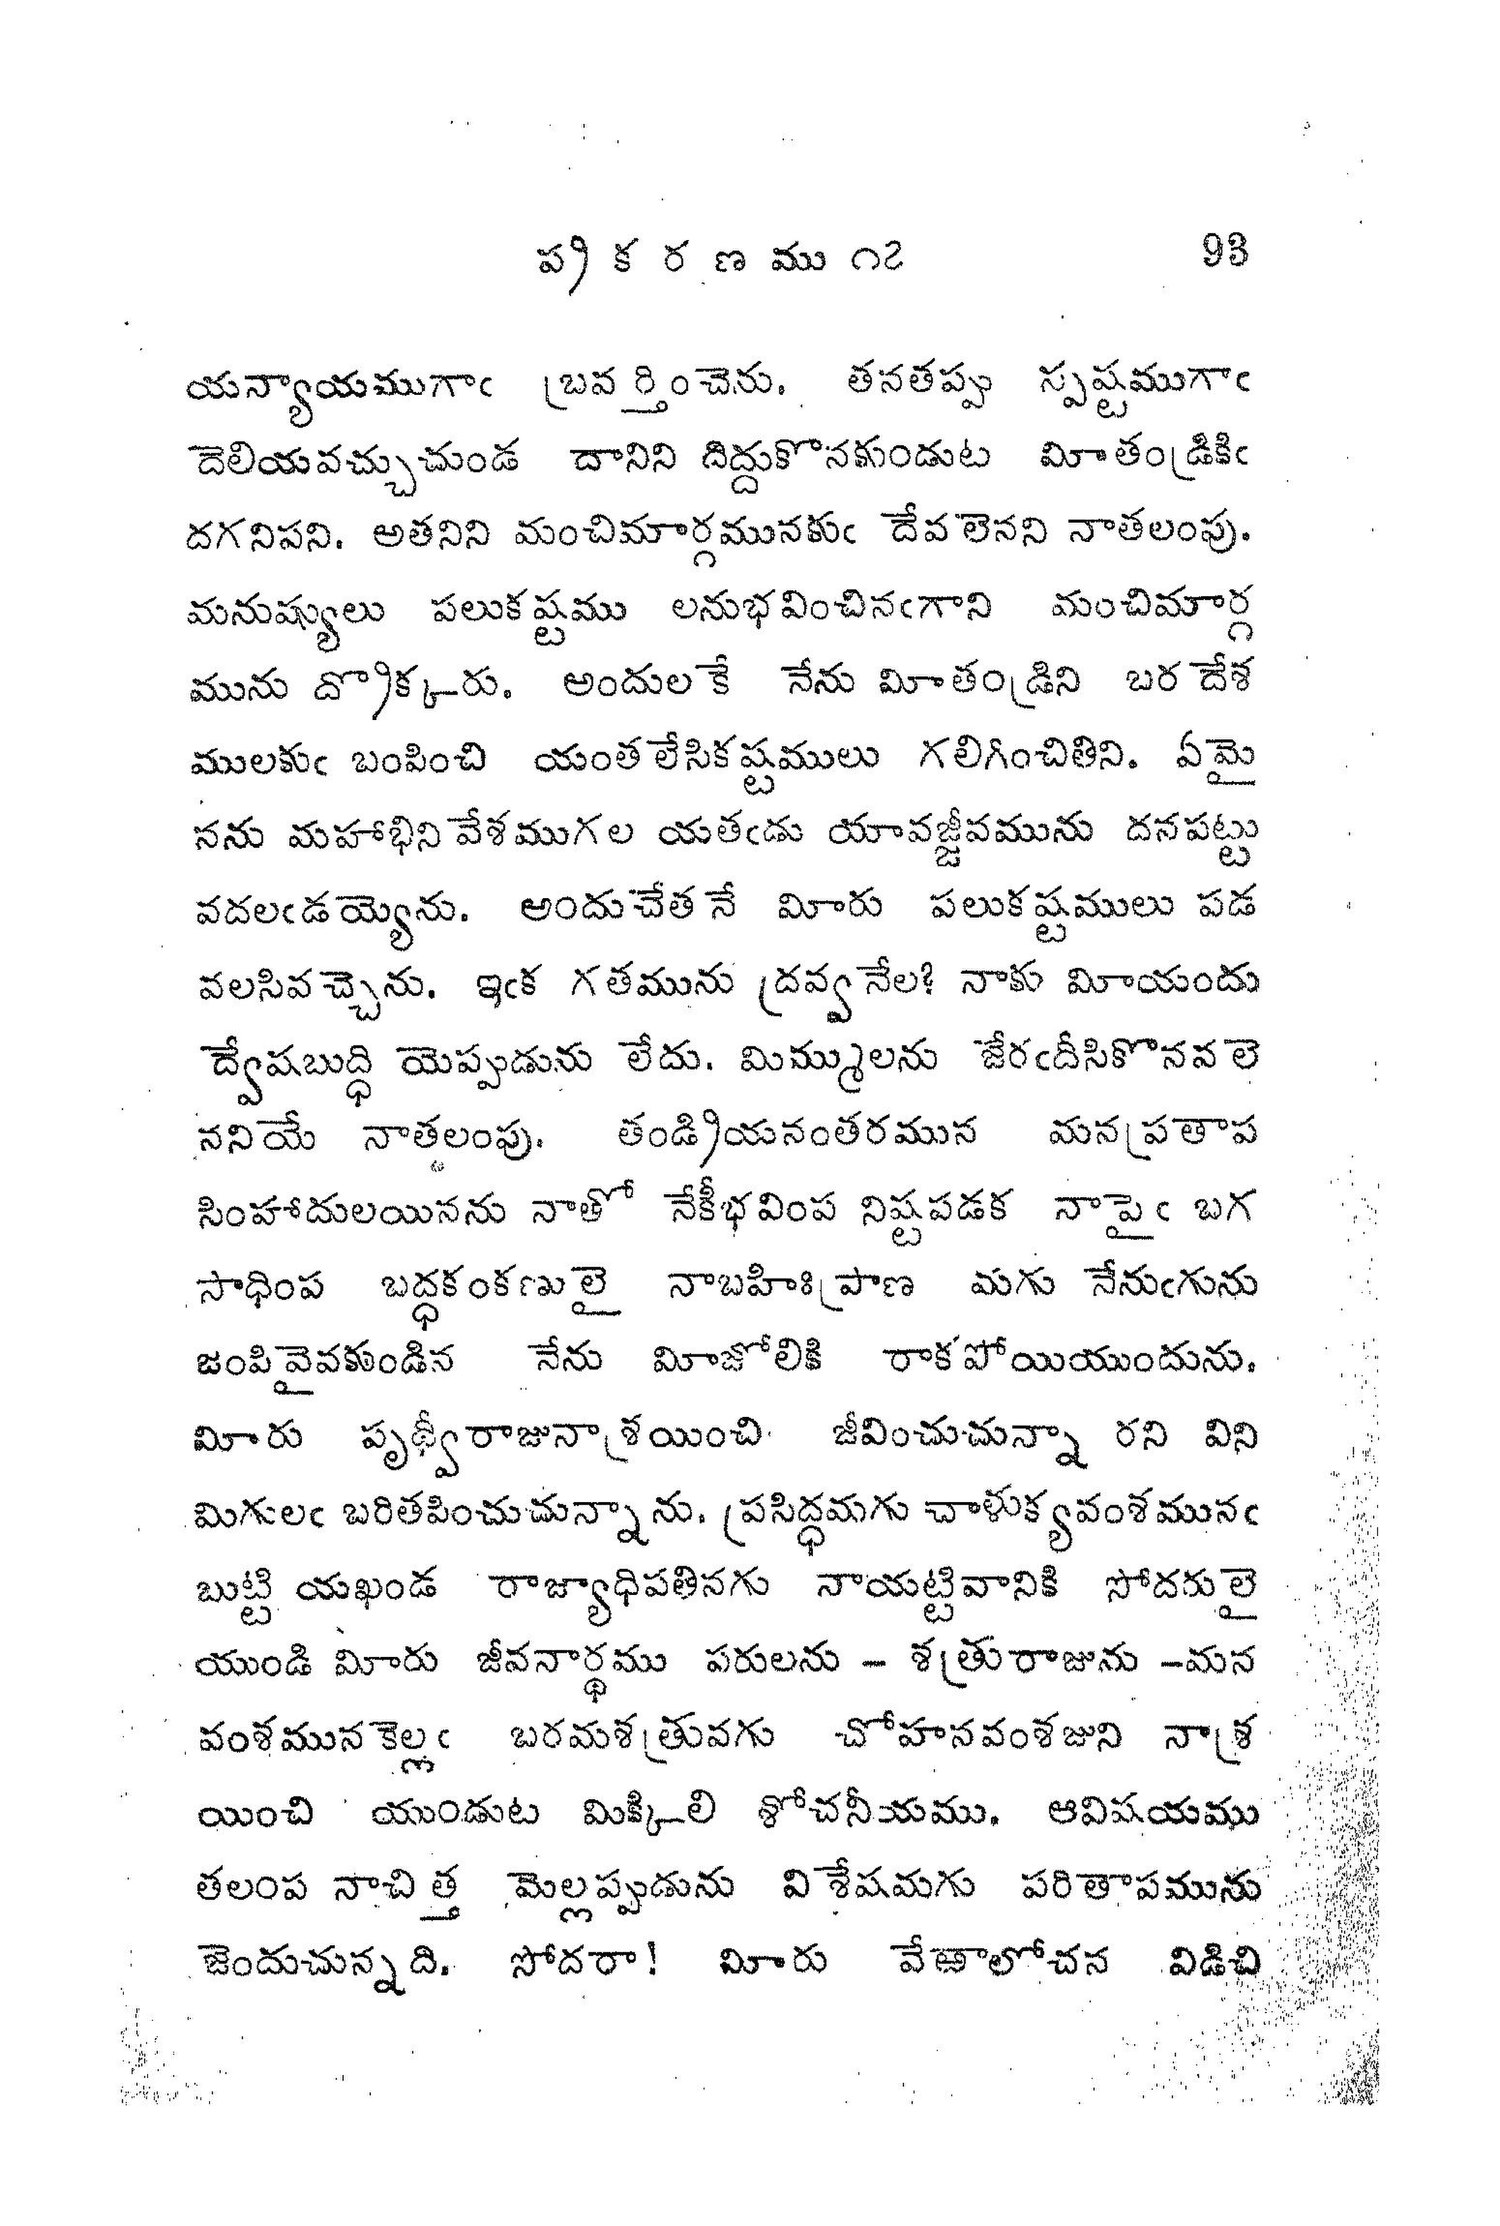యన్యాయముగాఁ బ్రవరించెను. తనతప్పు స్పష్టముగా దెలియ వచ్చుచుండ దానిని దిద్దుకొనకుండుట మీతండ్రికిఁ దగనిపని. అతనిని మంచి మార్గమునకుఁ దేవ లెనని నాతలంపు. మనుష్యులు పలుకష్టము లనుభవించినఁ గాని మంచి మార్గ మును దొక్కరు. అందులకే నేను మీతండ్రిని బర దేశ ములకుఁ బంపించి యంత లేసి కష్టములు గలిగించితిని. ఏమై నను మహాభినివేశముగల యతఁడు యావజ్జీవమును దనపట్టు వదలఁడయ్యెను. అందు చేత నే మీరు పలుకష్టములు పడ వలసిన చ్చెను. ఇక గతమును ద్రవ్వ నేల? నాకు మీయందు ద్వేషబుద్ధి యెప్పుడును లేదు. మిమ్ములను చేరదీసి కొనన లె ననియే నాతలంపు. తండ్రియనంతరమున మనప్రతాప సింహాదులయినను నాతో నేకీభవింప నిష్టపడక నా పై బగ సాధింప బద్ధకంకు లై నా బహిః ప్రాణ మగు నేనుఁగును జంపి వైవకుండిన నేను మీజోలికి రాక పోయియుందును. మీరు పృథ్వీ రాజు నాశ్రయించి జీవించుచున్నారని విని మిగులఁ బరితపించుచున్నాను. ప్రసిద్ధమగు చాళుక్యవంశమునఁ బుట్టి యఖండ రాజ్యాధిపతినగు నాయట్టి వానికి సోదరు లై యుండి మీరు జీవనార్థము పరులను - శత్రురాజును -మన వంశమున కెల్లఁ బరమశత్రువగు చోహన వంశజుని నాశ్ర యుండుట మిక్కిలి శోచనీయము. ఆవిషయము తలంప నాచిత్త ,మెల్లప్పుడును విశేషమగు పరితాపమును జెందుచున్నది. సోదరా! వేజాలోచన విడిచిచి